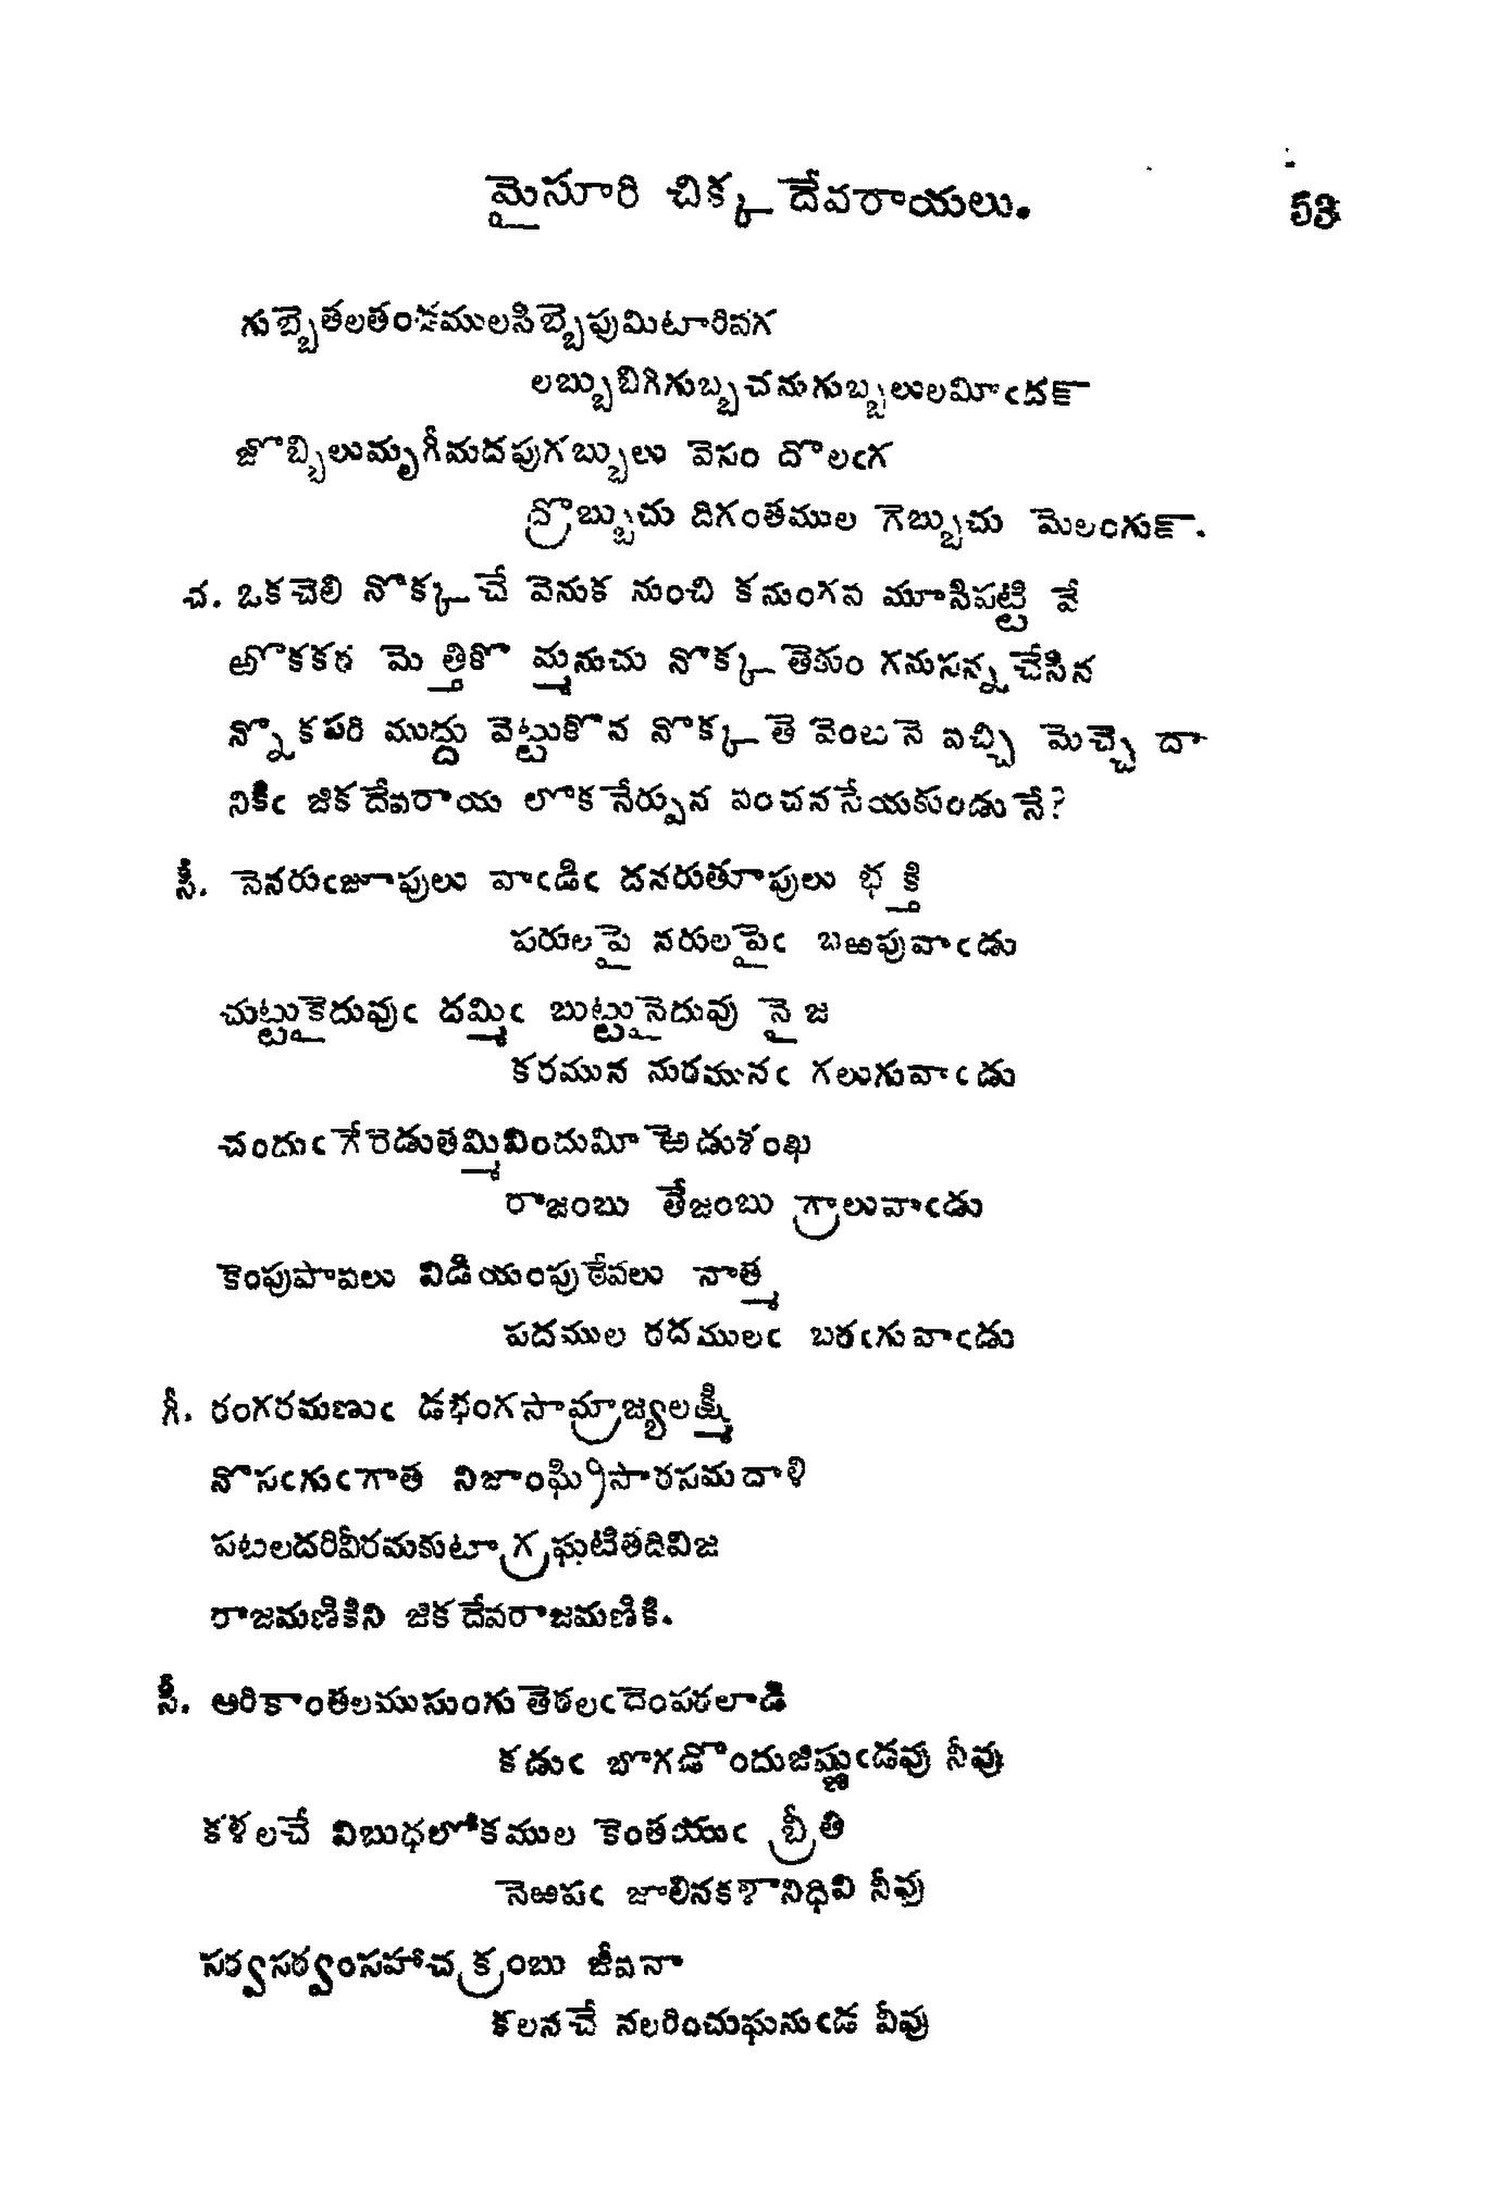గుబ్బెతలతండములసిబ్బెపుమిటారివగ
 లబ్బుబిగిగుబ్బచనుగుబ్బలులమీఁదన్
 జొబ్బిలుమృగీమదపుగబ్బులు వెసం దొలఁగ
 ద్రొబ్బుచు దిగంతముల గెబ్బుచు మెలంగున్.
చ. ఒకచెలి నొక్కచే వెనుక నుండి కనుంగవ మూసిపట్టి వే
 ఱొకకర మెత్తికొ మ్మనుచు నొక్కతెకు గనుసన్న చేసిన
 న్నొకపరి ముద్దు వెట్టుకొన నొక్కతె వెంటనె వచ్చి మెచ్చె దా
 నికిఁ జికదేవరాయ లొకనేర్పున వంచన సేయకుండునే?
సీ. నెనరుఁజూపులు వాఁడిఁ దనరుతూపులు భక్తి
 పరులపై నరులపైఁ బఱపువాఁడు
 చుట్టుకైదువుఁ దమ్మిఁ బుట్టునైదువు నైజ
 కరమున నురమునఁ గలుగుఁవాఁడు
 చందుఁగేరెడుతమ్మినిందుమీఱెడుశంఖ
 రాజంబు తేజంబు గ్రాలువాఁడు
 కెంపుపావలు విడియంపుఠేవలు నాత్మ
 పదముల రదములఁ బరఁగువాఁడు
గీ. రంగరమణుఁ డభంగసామ్రాజ్యలక్ష్మి
 నొసఁగుఁగాత నిజాంఘ్రిసారసమదాళి
 పటలదివీరమకుటాగ్రఘటితదివిజ
 రాజమణికిని జికదేవరాజమణికి.
సీ. అరికాంతలముసుంగుతెరలఁదెంపరలాడి
 కడుఁ బొగడొందు జిష్ణుఁడవు నీవు
 కళలచే విబుధలోకముల కెంతయుఁ బ్రీతి
 నెఱపఁ జాలినకళానిధివి నీవు
 సర్వసర్వంసహాచక్రంబు జీవనా
 కలనచే నలరించు ఘనుఁడ వీవు